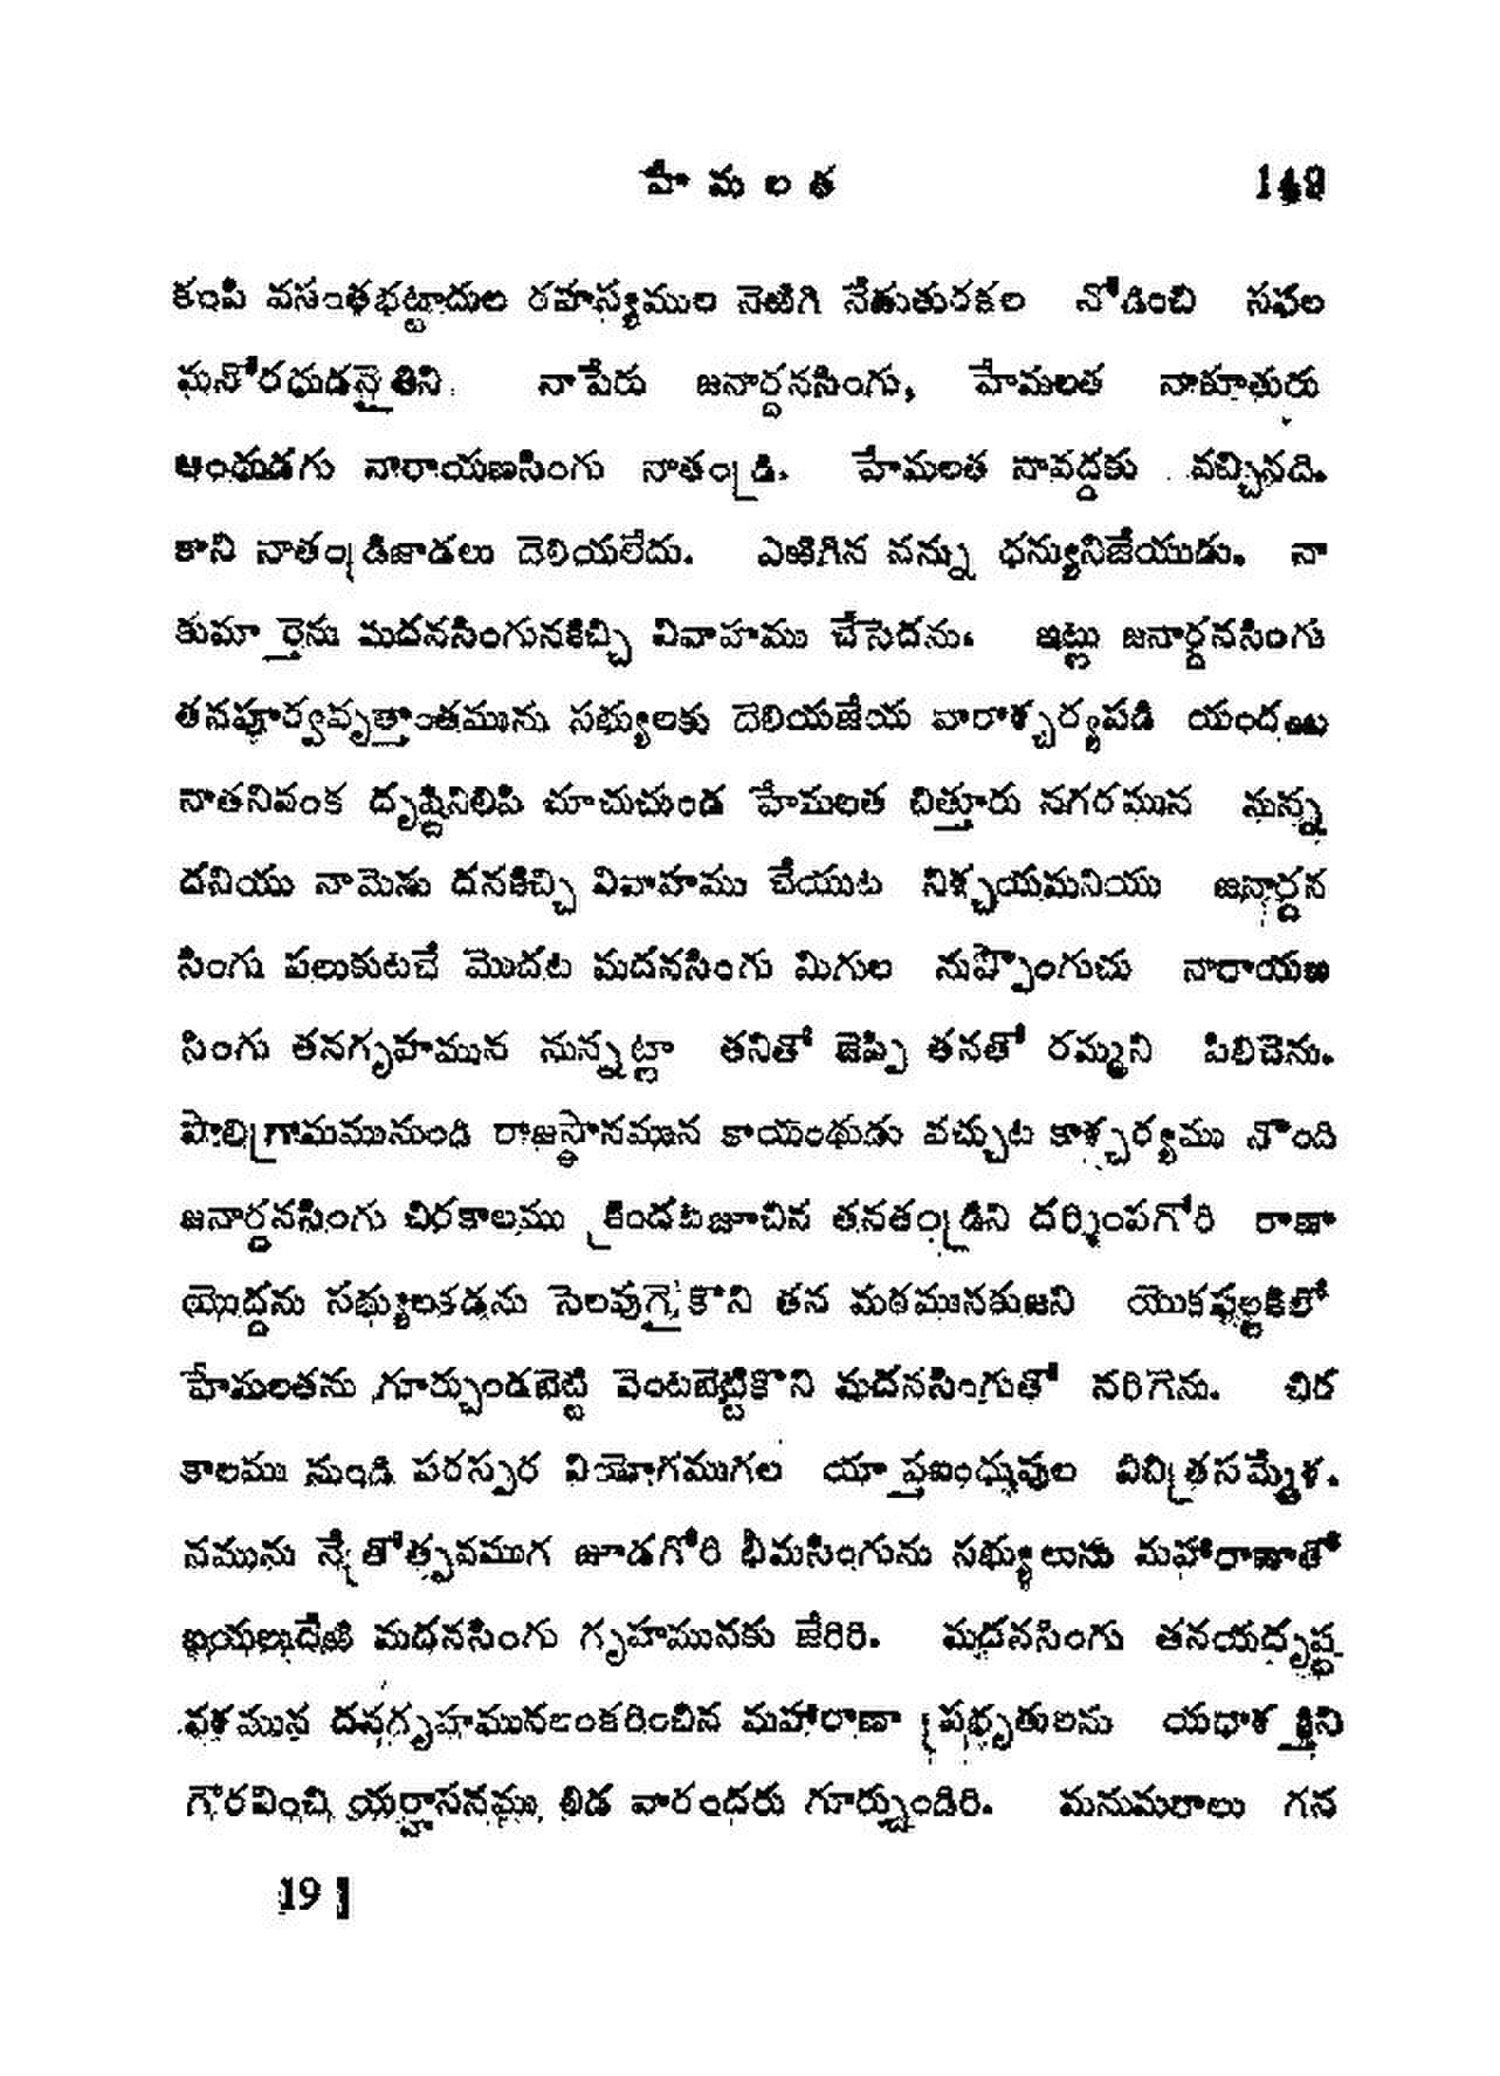కంపి వసంతభట్టాదుల రహస్యముల నెఱిగి నేడుతురకల నోడించి సఫల మనోరధుడనైతిని. నా పేరు జనార్ధనసింగు. హేమలత నాకూతురు. అంధుడగు నారాయణసింగు నాతండ్రి. హేమలత నావద్దకు వచ్చినది. కాని నాతండ్రిజాడలు దెలియలేదు. ఎఱిగిన నన్ను ధన్యునిజేయుడు. నా కుమార్తెను మదనసింగునకిచ్చి వివాహము చేసెదను. ఇట్లు జనార్ధనసింగు తనపూర్వవృత్తాంతమును సభ్యులకు దెలియజేయ వారాశ్చర్యపడి యందఱు నాతనివంక దృష్టినిలిపి చూచుచుండ హేమలత చిత్తూరు నగరమున నున్న దనియు నామెను దనకిచ్చి వివాహము చేయుట నిశ్చయమనియు జనార్ధన సింగు పలుకుటచే మొదట మదనసింగు మిగుల నుప్పొంగుచు నారాయణసింగు తనగృహమున నున్నట్లా తనితో జెప్పి తనతో రమ్మని పిలిచెను. పాలిగ్రామము నుండి రాజస్థానమున కాయంథుడు వచ్చుట కాశ్చర్యము నొంది జనార్ధనసింగు చిరకాలము క్రిందట జూచిన తనతండ్రిని దర్శింపగోరి రాణా యొద్దను సభ్యులకడను సెలవుగైకొని తన మఠమునకుజని యొక పల్లకిలో హేమలతను గూర్చుండబెట్టి వెంటబెట్టికొని మదనసింగుతో నరిగెను. చిరకాలము నుండి పరస్పర వియోగముగల యాప్తబంధువుల విచిత్రసమ్మేళనమును నేత్రోత్సవముగ జూడగోరి భీమసింగును సభ్యులును మహారాణాతో బయలుదేఱి మదనసింగు గృహమునకు జేరిరి. మదనసింగు తనయదృష్ట వరమున దనగృహమునలంకరించిన మహారాణా ప్రభృతులను యధాశక్తిని గౌరవించి యర్హాసనములిడ వారందరు గూర్చుండిరి. మనుమరాలు గన